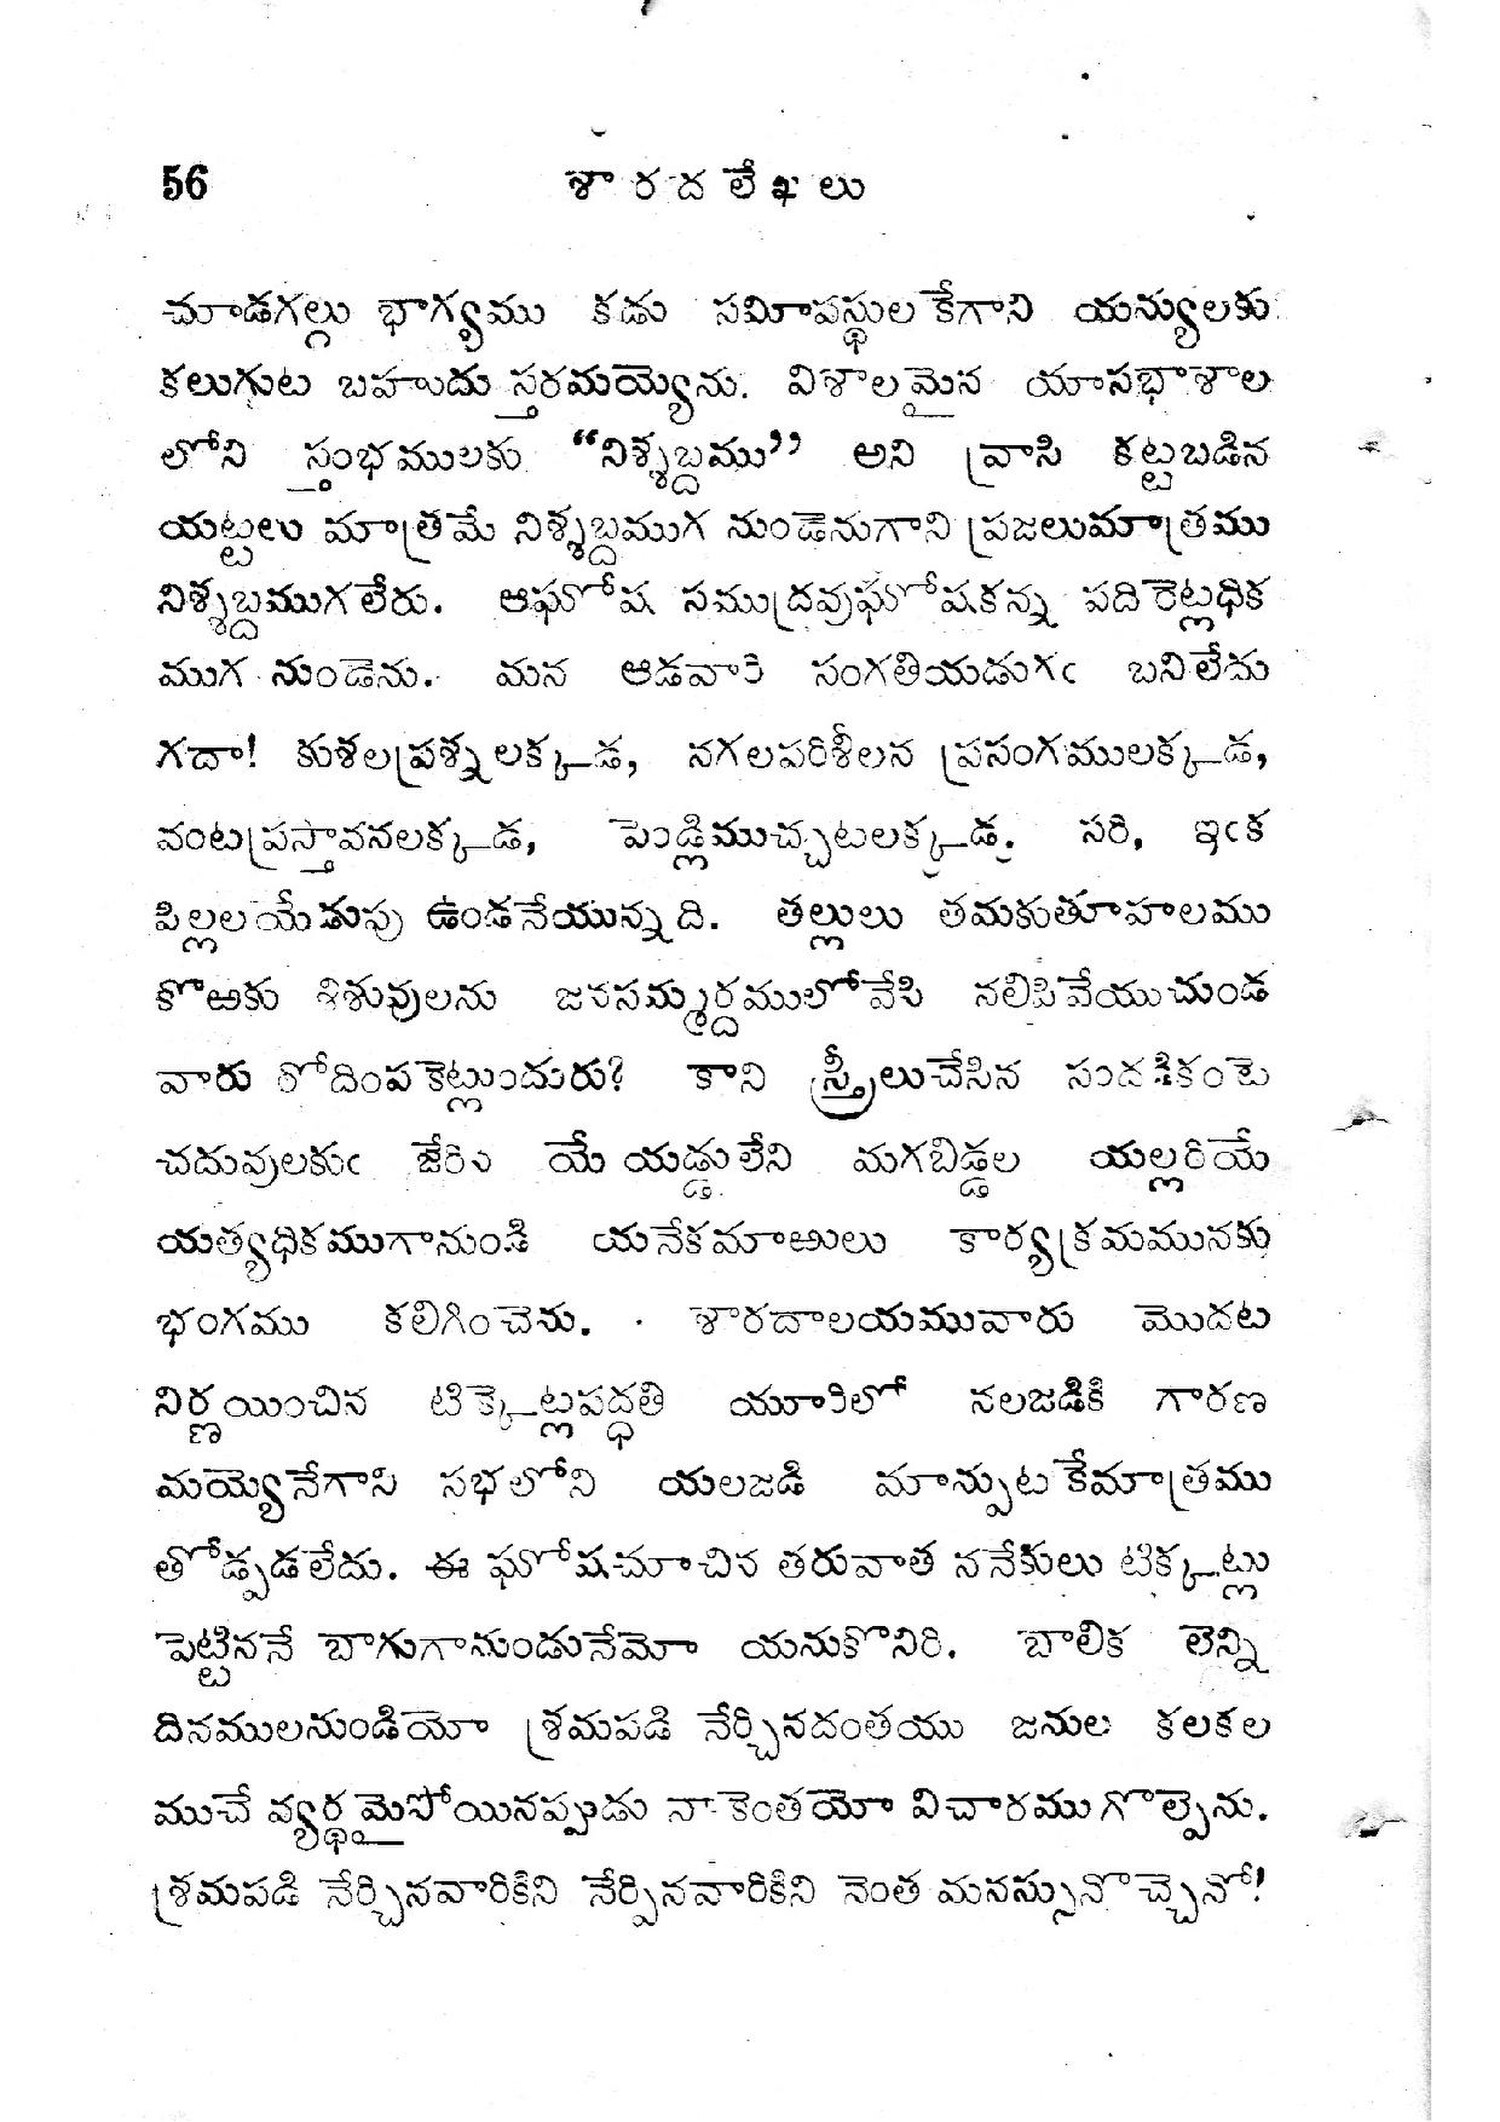చూడగల్గు భాగ్యము కడు సమీపస్థులకేగాని యన్యులకు కలుగుట బహుదుస్తరమయ్యెను. విశాలమైన యాసభాశాలలోని స్తంభములకు “నిశ్శబ్దము” అని వ్రాసి కట్టబడిన యట్టలు మాత్రమే నిశ్శబ్దముగ నుండెనుగాని ప్రజలుమాత్రము నిశ్శబ్దముగలేరు. ఆఘోష సముద్రపుఘోషకన్న పదిరెట్లధికముగ నుండెను.
మన ఆడవారి సంగతియడుగఁ బని లేదు గదా! కుశలప్రశ్నలక్కడ, నగలపరిశీలన ప్రసంగములక్కడ,
వంటప్రస్తావనలక్కడ, పెండ్లిముచ్చటలక్కడ సరి, ఇఁక పిల్లలయేడుపు ఉండనేయున్నది. తల్లులు తమకుతూహలము కొఱకు శిశువులను జనసమ్మర్దములోవేసి నలిపివేయుచుండ వారు రోదింపకెట్లుందురు? కాని స్త్రీలుచేసిన సందడికంటె చదువులకుఁ జేరిన యే యడ్డులేని మగబిడ్డల యల్లరియే
యత్యధికముగానుండి యనేకమాఱులు కార్యక్రమమునకు భంగము కలిగించెను. శారదాలయమువారు మొదట నిర్ణయించిన టిక్కెట్లపద్దతి యూరిలో నలజడికి గారణ మయ్యెనేగాని సభలోని యలజడి మాన్పుటకేమాత్రము తోడ్పడలేదు. ఈ ఘోషచూచిన తరువాత ననేకులు టిక్కట్లు పెట్టిననే బాగుగానుండునేమో యనుకొనిరి. బాలిక లెన్నిదినములనుండియో శ్రమపడి నేర్చినదంతయు జనుల కలకలముచే వ్యర్థమైపోయినప్పుడు నాకెంతయో విచారముగొల్పెను. శ్రమపడి నేర్చినవారికిని నేర్పినవారికిని నెంత మనస్సునొచ్చెనో!